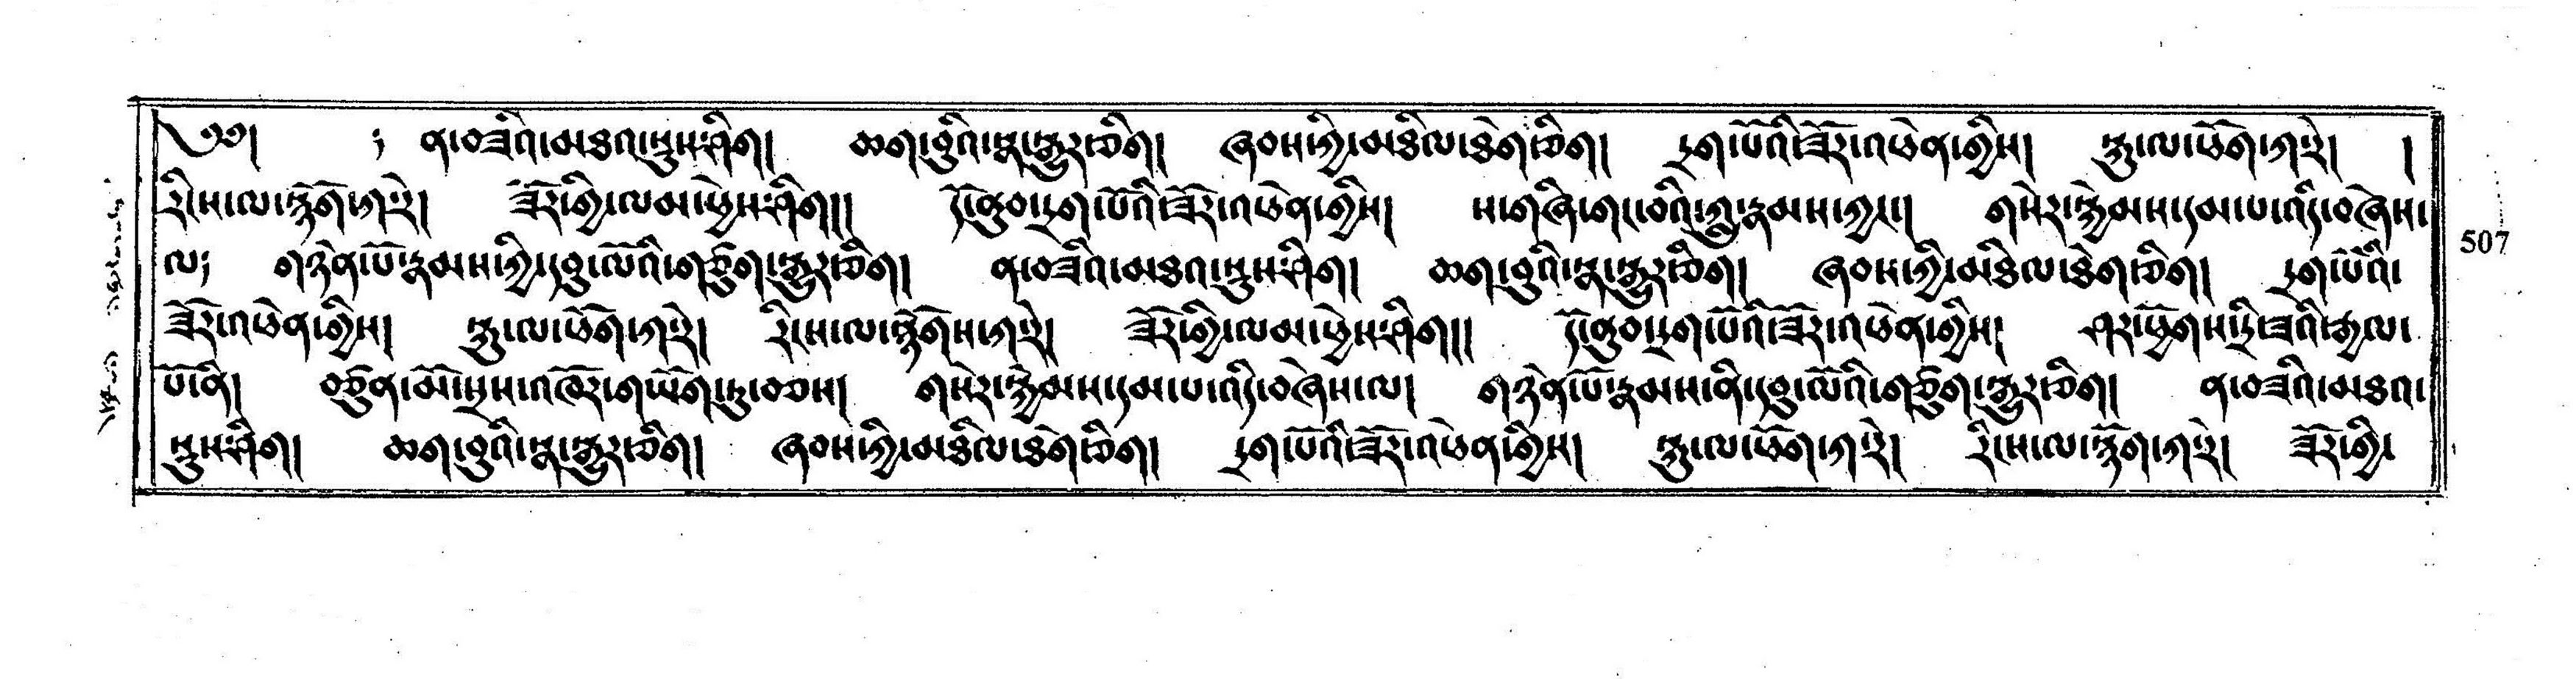ན་བཟའི་མཐའ་སྡུས་ཤིག ཆག་{521}བུའི་སྣ་སྒྱུར་ཅིག ཞབས་ཀྱི་མཐིལ་ཐེག་ཅིག དྲག་པོའི་ཟོར་འཕེན་གྱིས། སྐུ་ལ་ཕོག་ཀ་རེ།
རིངས་ལ་སྙོག་ཀ་རེ། ཟོར་གྱི་ལམ་ཕྱེས་ཤིག །། དོ་ནུབ་དྲག་པོའི་ཟོར་འཕེན་གྱིས། ས་གཞི་གང་བའི་ཀླུ་རྣམས་ཀྱང་། གསེར་སྐྱེམས་དམ་པ་འདི་བཞེས་
ལ། གཉེན་པོ་རྣམས་ཀྱི་དབུ་ལོའི་གཙུག་སྒྱུར་ཅིག ན་བཟའི་མཐའ་སྡུས་ཤིག ཆག་བུའི་སྣ་སྒྱུར་ཅིག ཞབས་ཀྱི་མཐིལ་ཐེག་ཅིག དྲག་པོའི་
ཟོར་འཕེན་གྱིས། སྐུ་ལ་ཕོག་ཀ་རེ། རིངས་ལ་སྙོགས་ཀ་རེ། ཟོར་གྱི་ལམ་ཕྱེས་ཤིག །། དོ་ནུབ་དྲག་པོའི་ཟོར་འཕེན་གྱིས། ཤར་ཕྱོགས་དྲི་ཟའི་རྒྱལ་
པོ་ནི། བཙུན་མོ་སྲས་འཁོར་གཡོག་ཏུ་བཅས། གསེར་སྐྱེམས་དམ་པ་འདི་བཞེས་ལ། གཉེན་པོ་རྣམས་ནི་དབུ་ལོའི་གཙུག་སྒྱུར་ཅིག ན་བཟའི་མཐའ་
སྡུས་ཤིག ཆག་བུའི་སྣ་སྒྱུར་ཅིག ཞབས་ཀྱི་མཐིལ་ཐེག་{522}ཅིག དྲག་པོའི་ཟོར་འཕེན་གྱིས། སྐུ་ལ་ཕོག་ཀ་རེ། རིངས་ལ་སྙོག་ཀ་རེ། ཟོར་གྱི་